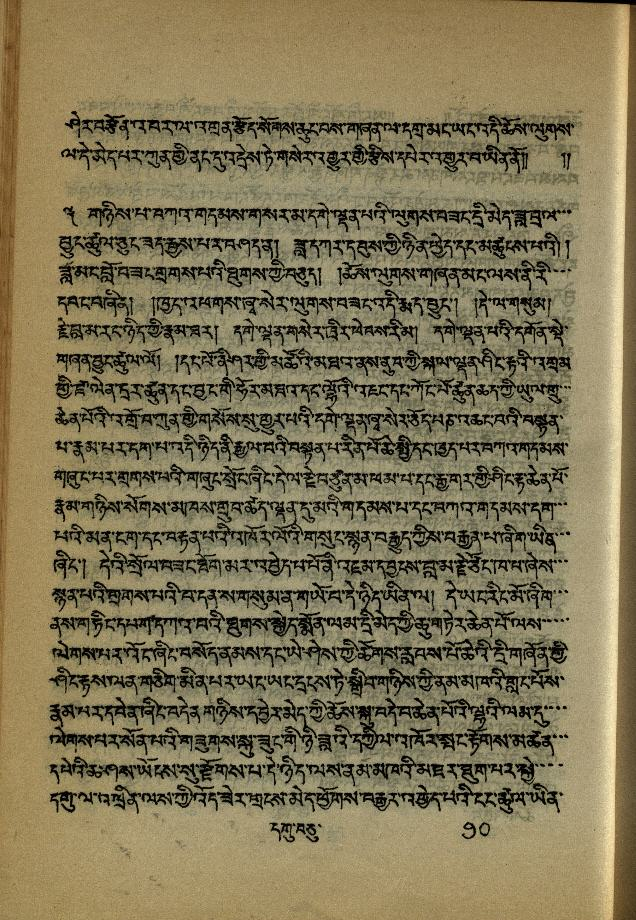ཤེར་བརྩོན་འབར་ལ་འགྲན་རྩོད་སོགས་ཆུང་བས་གཞན་ལ་དགྲ་མང་ཡང་འདི་ཆོས་ལུགས་
ལ་དེ་མེད་པར་ཀུན་གྱི་ནང་དུ་འདྲེས་ཏེ་གསེར་འགྱུར་གྱི་རྩིས་དཔེར་འགྱུར་བ་ཡིན་ནོ།། །།
༈ གཉིས་པ་བཀའ་གདམས་གསར་མ་དགེ་ལྡན་པའི་ལུགས་བཟང་དྲི་མེད་ཟླ་བྲལ་
བྱུང་ཚུལ་ཅུང་ཟད་རྒྱས་པར་བཤད་ན། ཟླ་དཀར་དབུས་ཀྱི་ཉིན་ཕྱེད་དང་མཚུངས་པའི།།
ཟླ་མང་བློ་བཟང་གྲགས་པའི་ཐུགས་ཀྱི་བཅུད། །ཆོས་ལུགས་གཞན་མང་ལས་ནི་རི་
དབང་བཞིན། །ཁྱད་འཕགས་ཞྭ་སེར་ལུགས་བཟང་འདི་རྨད་བྱུང་།དེ་ལ་གསུམ།
རྗེ་བླ་མ་རང་ཉིད་ཀྱི་རྣམ་ཐར། དགེ་ལྡན་གསེར་ཁྲིར་ཕེབས་རིམ། དགེ་ལྡན་པའི་དགོན་སྡེ་
གཞན་བྱུང་ཚུལ་ལོ། །དང་པོ་ནི་ཤར་གྱི་མཚོའི་མཐའ་ནས་ནུབ་ཀྱི་སྐལ་ལྡན་ཤིང་རྟའི་འགྲམ་
གྱི་རྫ་ལེན་དྲར་ཚུན་དང་བྱང་གི་ཧོར་མཐའ་དང་ལྷོའི་འཇང་དང་ཀོང་པོ་ཚུན་ཆད་ཀྱི་ཡུལ་གྲུ་
ཆེན་པོའི་འགྲོ་བ་ཀུན་གྱི་གསོས་སུ་གྱུར་པའི་དགེ་ལྡན་ཞྭ་སེར་ཅོད་པཎ་འཆང་བའི་བསྟན་
པ་རྣམ་པར་དག་པ་འདི་ཉིན་ནི་རྒྱལ་བའི་བསྟན་པ་རིན་པོ་ཆེ་སྤྱི་དང་ཁྱད་པར་བཀའ་གདམས་
གཞུང་པར་གྲགས་པའི་གཞུང་སྲོང་ཞིང་དེ་ལ་རྗེ་བཙུན་མ་ཕབ་པ་དང་རྒྱ་གར་གྱི་ཤིང་རྟ་ཆེན་པོ་
རྣམ་གཉིས་སོགས་མཁས་གྲུབ་ཚད་ལྡན་དུ་མའི་གདམས་པ་དང་བཀའ་གདམས་དག་
པའི་མན་ངག་དང་བརྟན་པའི་འཁོར་ལོའི་གསུང་སྙན་བརྒྱུད་ཀྱིས་བརྒྱན་པ་ཞིག་ཡིན་
ཞིང་། དེའི་སྲོལ་བཟང་ཐོག་མར་འབྱེད་པ་པོ་ནི་འཇམ་དབྱངས་བླ་མ་རྗེ་རྩོང་ཁ་པ་ཞེས་
སྙན་པའི་གྲགས་པའི་བ་དན་ས་གསུམ་ན་གཡོ་བ་དེ་ཉིད་ཡིན་ལ། དེ་ཡང་རིང་མོ་ཞིག་
ནས་གཏིང་དཔག་དཀའ་བའི་ཐུགས་སྐྱེད་སྨོན་ལམ་དྲི་མེད་ཀྱི་ཆུ་གཏེར་ཆེན་པོ་ལས་
ལེགས་པར་འོང་ཞིང་བསོད་ནམས་དང་ཡེ་ཤེས་ཀྱི་ཚོགས་རླབས་པོ་ཆེའི་དྲི་གཞོན་གྱི་
ཤིང་རྟས་ལན་གཅིག་མིན་པར་ཡང་ཡང་དྲངས་ཏེ་སྒྲིབ་གཉིས་ཀྱི་ནས་མཁའི་གླང་པོས་
རྣམ་པར་དབེན་ཞིང་བདེན་གཉིས་དབྱེར་མེད་ཀྱི་ཆོས་སྐུ་བདེ་བ་ཆེན་པོའི་ལྷའི་ལམ་དུ་
ལེགས་པར་སོན་པའི་གཟུགས་སྐུ་ཟུང་གི་ཉི་ཟླའི་དཀྱིལ་འཁོར་སྤང་རྟོགས་མཚན་
དཔེའི་ཆ་ཤས་ཡོངས་སུ་རྫོགས་པ་དེ་ཉིད་ལས་རྣམ་མཁའི་མཐར་ཐུག་པར་སྐྱེ་
དགུ་ལ་འཁྲིན་ལས་ཀྱི་འོད་ཟེར་གྲངས་མེད་ཕྱོགས་བརྒྱར་འགྱེད་པའི་ངང་ཚུལ་ཡིན་